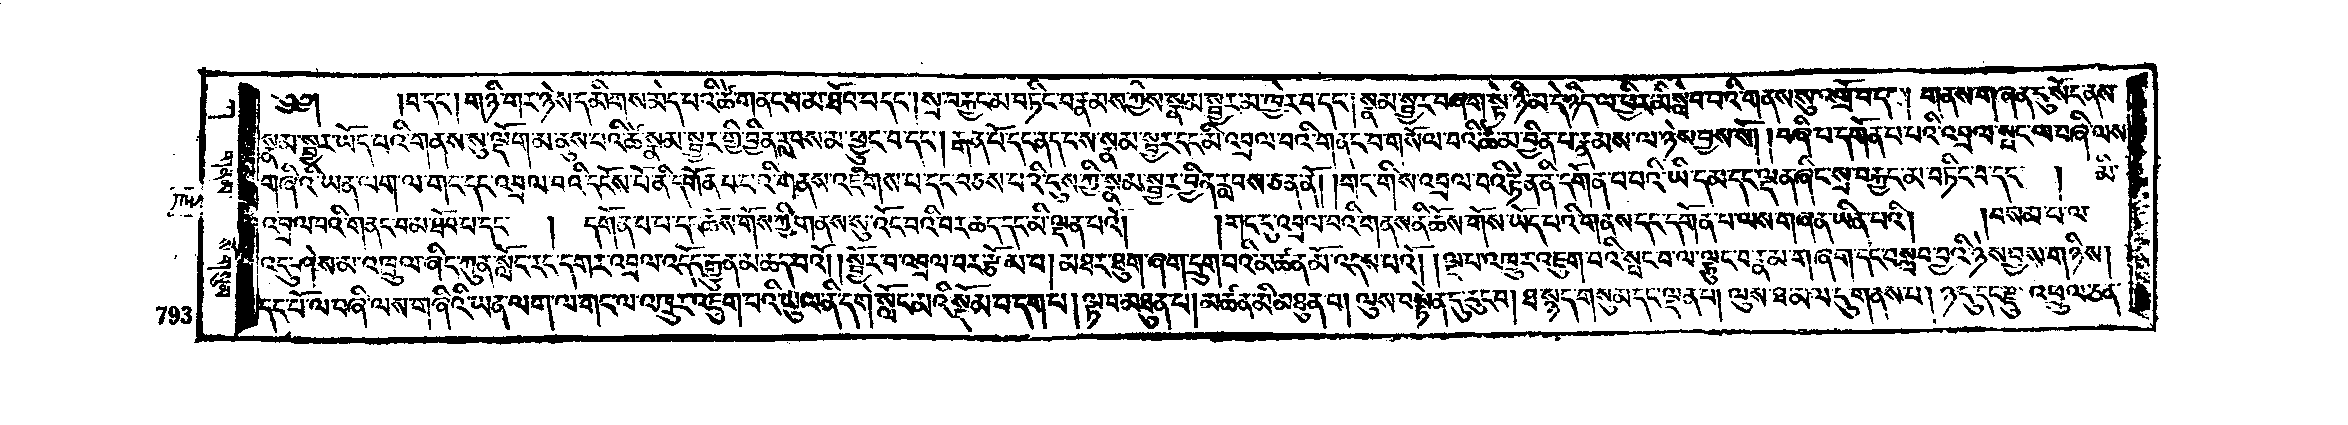༄༅། །བ་དང་། གཉི་གར་ཉེས་དམིགས་མེད་པའི་ཚེ་གནང་བ་མ་ཐོབ་པ་དང་། སྲ་བརྐྱང་མ་བཏིང་བ་རྣམས་ཀྱིས་སྣམ་སྦྱར་མ་ཁྱེར་བ་དང་། སྣམ་སྦྱར་བཞག་སྟེ་ཉི་མ་དེ་ཉིད་ལ་ཕྱིར་མི་སླེབ་པའི་གནས་སུ་འགྲོ་བ་དང་། གནས་གཞན་དུ་སོང་ནས་
སྣམ་སྦྱར་ཡོད་པའི་གནས་སུ་ལྡོག་མ་ནུས་པའི་ཚེ་སྣམ་སྦྱར་གྱི་བྱིན་རླབས་མ་ཕྱུང་བ་དང་། རྒན་པོ་དང་ནད་པས་སྣམ་སྦྱར་དང་མི་འབྲལ་བའི་གནང་བ་གསོལ་བའི་ཚེ་མ་བྱིན་པ་རྣམས་ལ་ཉེས་བྱས་སོ། །བཞི་པ་དགོན་པ་པའི་འབྲལ་སྤང་ལ་བཞི་ལས་
གཞིའི་ཡན་ལག་ལ་གང་དང་འབྲལ་བའི་དངོས་པོ་ནི་དགོན་པ་པའི་གནས་འཇིགས་པ་དང་བཅས་པའི་དུས་ཀྱི་སྣམ་སྦྱར་བྱིན་རླབས་ཅན་ནོ། །གང་གིས་འབྲལ་བའི་རྟེན་ནི་དགོན་པ་བའི་ཡི་དམ་དང་ལྡན་ཞིང་སྲ་བརྐྱང་མ་བཏིང་བ་དང་། མི་
འབྲལ་བའི་གནང་བ་མ་ཐོབ་པ་དང་། དགོན་པ་པ་དང་ཆོས་གོས་ཀྱི་གནས་སུ་འོང་བའི་བར་ཆད་དང་མི་ལྡན་པའོ། །གང་དུ་འབྲལ་བའི་གནས་ནི་ཆོས་གོས་ཡོད་པའི་གནས་དང་དགོན་པ་ལས་གཞན་ཡིན་པའི། །བསམ་པ་ལ་
འདུ་ཤེས་མ་འཁྲུལ་ཞིང་ཀུན་སློང་རང་དགར་འབྲལ་འདོད་རྒྱུན་མ་ཆད་པའོ། །སྦྱོར་བ་འབྲལ་བར་རྩོམ་པ། མཐར་ཐུག་ཞག་དྲུག་པའི་མཚན་མོ་འདས་པའོ། །ལྔ་པ་འཁྲུར་འཇུག་པའི་སྤང་བ་ལ་ལྟུང་བ་རྣམ་གཞག་དང་བསླབ་བྱའི་ཉེས་བྱས་གཉིས།
དང་པོ་ལ་བཞི་ལས་གཞིའི་ཡན་ལག་ལ་གང་ལ་འཁྲུར་འཇུག་པའི་ཡུལ་ནི་དགེ་སློང་མའི་སྡོམ་པ་དག་པ། ལྟ་བ་མཐུན་པ། མཚན་མི་མཐུན་པ། ལུས་བསྟེན་དུ་རུང་བ། ཐ་སྙད་གསུམ་དང་ལྡན་པ། ལུས་ཐ་མལ་དུ་གནས་པ། ཉ་དུ་དང་རྫུ་འཕྲུལ་ཅན་